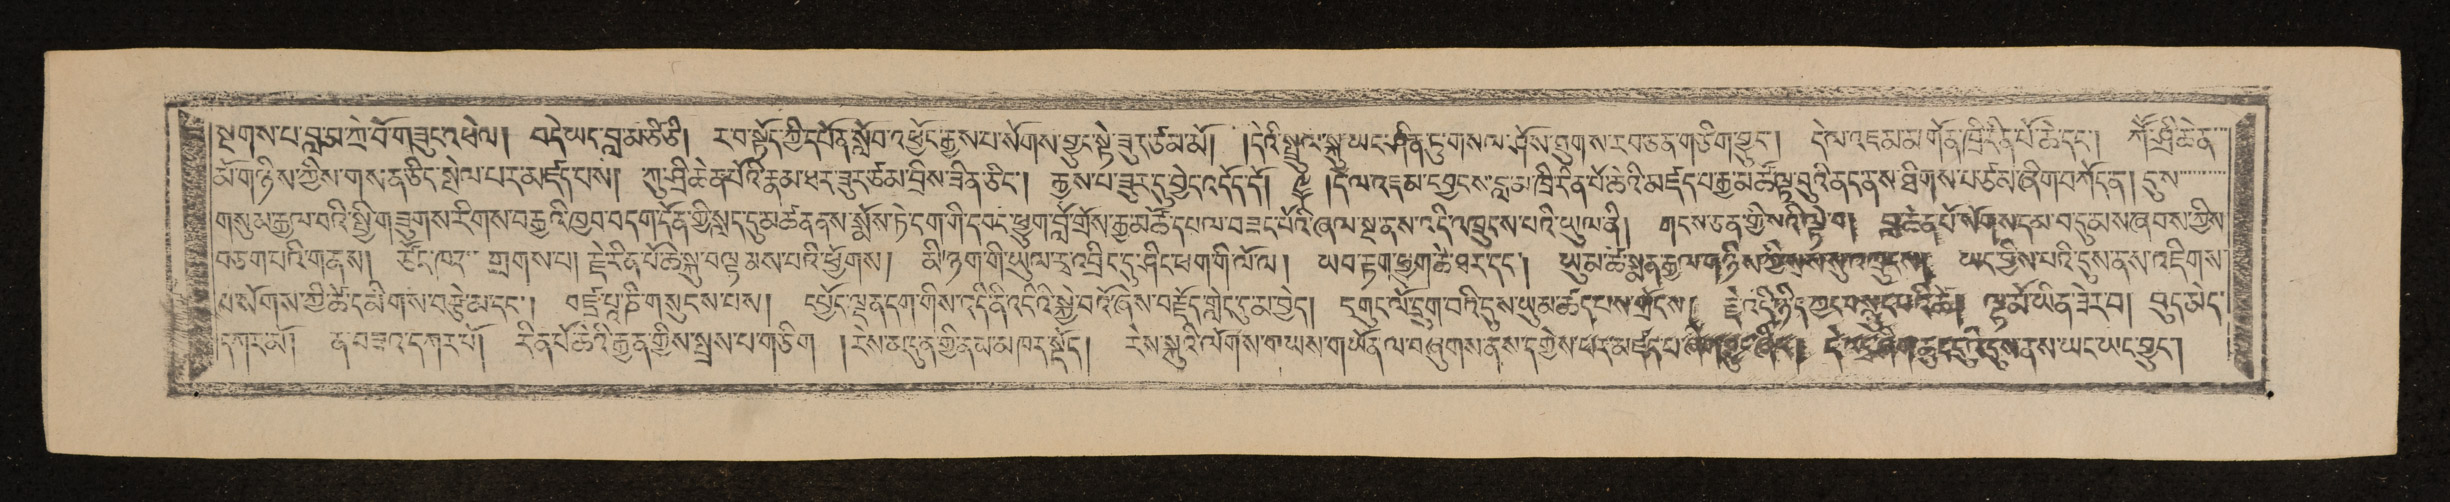སྔགས་པ་བླ་མ་ཀྲེ་བོ་གཟུང་འཕེལ། བདེ་ཡང་བླ་མ་ཙི་ཙི། ར་བསྟོད་ཀྱི་དཔོན་སློབ་འཕྱོང་རྒྱས་པ་སོགས་བྱུང་སྟེ་ཟུར་ཙམ་མོ། །དེའི་སྤྲུལ་སྐུ་ཡང་ཤིན་ཏུ་གསལ་ཤོས་ཐུགས་རབ་ཅན་གཅིག་བྱུང་། དེ་ལ་འཇམ་མགོན་ཁྲི་རིན་པོ་ཆེ་དང་། ཀཽ་ཤྲི་ཆེན་
མོ་གཉིས་ཀྱིས་གསན་ཅིང་སྤེལ་བར་མཛད་པས། ཀུ་ཤྲི་ཆེན་པོའི་རྣམ་ཐར་ཟུར་ཙམ་བྲིས་ཟིན་ཅིང་། རྒྱས་པ་ཟུར་དུ་བྱེད་འདོད་དོ། ༈ །དེ་ལ་འཇམ་དབྱངས་བླ་མ་ཁྲི་རིན་པོ་ཆེའི་མཛད་པ་རྒྱ་མཚོ་ལྟ་བུའི་ནང་ནས་ཐིགས་པ་ཙམ་ཞིག་བཀོད་ན། དུས་
གསུམ་རྒྱལ་བའི་སྤྱི་གཟུགས་རིགས་བརྒྱའི་ཁྱབ་བདག་དོན་གྱི་སླད་དུ་མཚན་ནས་སྨོས་ཏེ་ངག་གི་དབང་ཕྱུག་བློ་གྲོས་རྒྱ་མཚོ་དཔལ་བཟང་པོའི་ཞལ་སྔ་ནས་འདི་འཁྲུངས་པའི་ཡུལ་ནི། གངས་ཅན་གྱི་སའི་ལྟེ་བ། བླ་ཆེན་པོ་སོགས་དམ་པ་དུ་མས་ཞབས་ཀྱིས་
བཅག་བའི་གནས། ཙོང་ཁར་གྲགས་པ། རྗེ་རིན་པོ་ཆེ་སྐུ་བལྟམས་པའི་ཕྱོགས། མི་ཉག་གི་ཡུལ་རྭ་འབྲིང་དུ་ཤིང་ཕག་གི་ལོ་ལ། ཡབ་རྟག་ཕྱུག་ཚེ་ཐར་དང་། ཡུམ་ཚེ་སྨན་རྒྱལ་གཉིས་ཀྱི་སྲས་སུ་འཁྲུངས། ཡང་བྱིས་པའི་དུས་ནས་འཇིགས་
པ་སོགས་ཀྱི་ཚེ་དམིགས་བཙེ་མ་དང་། བཛྲ་པཱ་ཎི་གསུངས་པས། དཔྱོད་ལྡན་དག་གིས་འདི་ནི་འདིའི་སྐྱེ་བའོ་ཞེས་བརྗོད་གླེང་དུ་མ་བྱེད། དགུང་ལོ་དྲུག་པའི་དུས་ཡུམ་ཚད་པས་གྲོངས། རྗེ་འདི་ཉིད་ཀྱང་བསྙུང་པའི་ཚེ། ལྷ་མོ་ཡིན་ཟེར་བ། བུད་མེད་
དཀར་མོ། ན་བཟའ་དཀར་པོ། རིན་པོ་ཆེའི་རྒྱན་གྱིས་སྤྲས་པ་གཅིག །རེས་མདུན་གྱི་ནམ་མཁར་སྡོད། རེས་སྐུའི་ལོགས་གཡས་གཡོན་ལ་བཞུགས་ནས་དགྱེས་པར་མཛད་པ་ཞིག་བྱུང་ཞིང་། དེ་འདྲ་ཞིག་ཆུང་ངུའི་དུས་ནས་ཡང་ཡང་བྱང་།